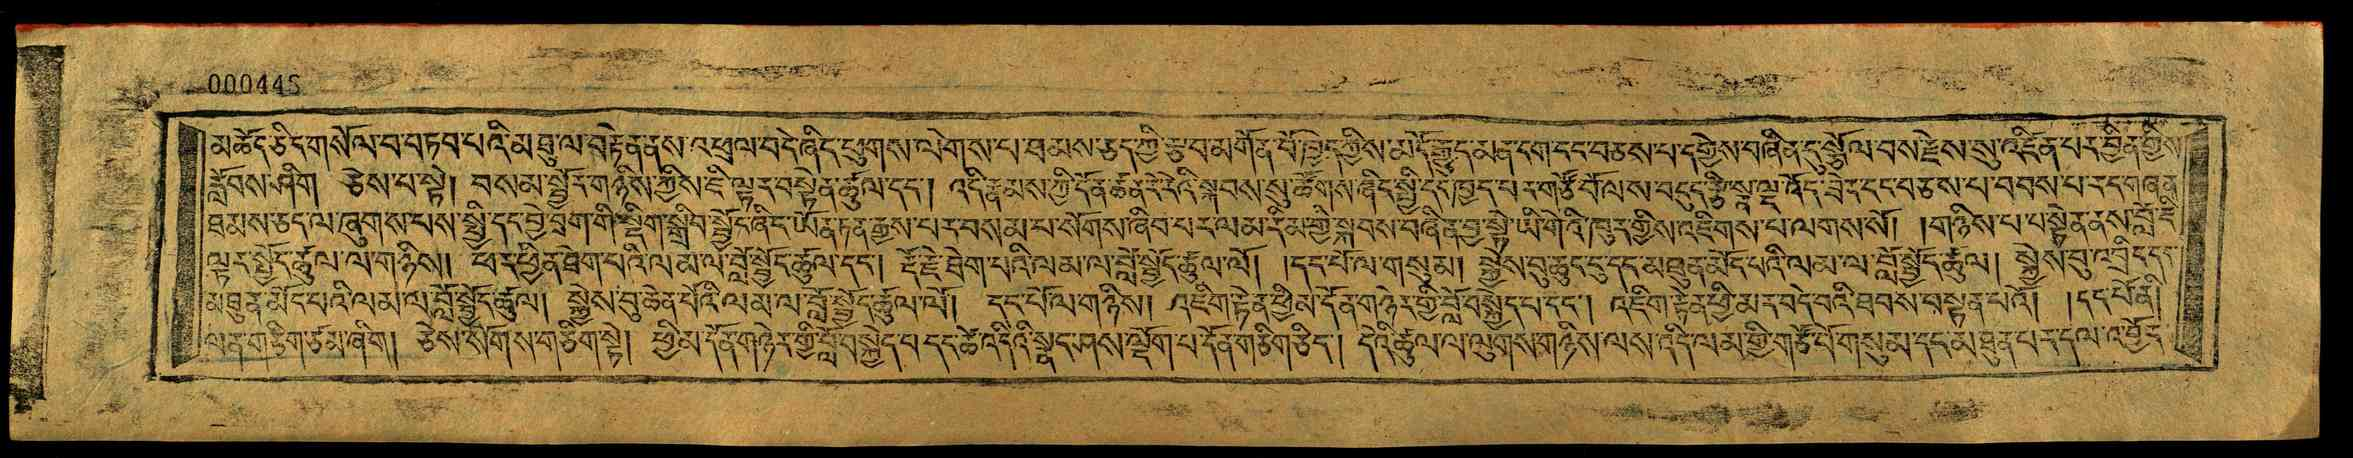མཆོད་ཅིང་གསོལ་བ་བཏབ་པའི་མཐུ་ལ་བརྟེན་ནས་འཕྲལ་བདེ་ཞིང་ཕུགས་ལེགས་པ་ཐམས་ཅད་ཀྱི་རྩ་བ་མགོན་པོ་ཁྱོད་ཀྱིས་མདོ་རྒྱུད་མན་ངག་དང་བཅས་པ་དགྱེས་བཞིན་དུ་སྩོལ་བས་རྗེས་སུ་འཛིན་པར་བྱིན་གྱིས་
རློབས་ཤིག །ཅེས་པ་སྟེ། བསམ་སྦྱོར་གཉིས་ཀྱིས་ཇི་ལྟར་བསྟེན་ཚུལ་དང་། འདི་རྣམས་ཀྱི་དོན་ཚན་རེ་རེའི་སྐབས་སུ་ཚོགས་ཞིང་སྤྱི་དང་ཁྱད་པར་གཙོ་བོ་ལས་བདུད་རྩི་སྣ་ལྔ་འོད་ཟེར་དང་བཅས་པ་བབས་པ་རང་གཞན་
ཐམས་ཅད་ལ་ཞུགས་པས་སྤྱི་དང་བྱེ་བྲག་གི་སྡིག་སྒྲིབ་སྦྱོང་ཞིང་ཡོན་ཏན་རྒྱས་པར་བསམ་པ་སོགས་ཞིབ་པར་ལམ་རིམ་གྱི་སྐབས་བཞིན་བྱ་སྟེ་ཡི་གེའི་ཁུར་གྱིས་འཇིགས་པ་ལགས་སོ། །གཉིས་པ་བསྟེན་ནས་བློ་ཇི་
ལྟར་སྦྱོང་ཚུལ་ལ་གཉིས། ཕར་ཕྱིན་ཐེག་པའི་ལམ་ལ་བློ་སྦྱོང་ཚུལ་དང་། རྡོ་རྗེ་ཐེག་པའི་ལམ་ལ་བློ་སྦྱོང་ཚུལ་ལོ། །དང་པོ་ལ་གསུམ། སྐྱེས་བུ་ཆུང་ངུ་དང་མཐུན་མོང་བའི་ལམ་ལ་བློ་སྦྱོང་ཚུལ། སྐྱེས་བུ་འབྲིང་དང་
མཐུན་མོང་བའི་ལམ་ལ་བློ་སྦྱོང་ཚུལ། སྐྱེས་བུ་ཆེན་པོའི་ལམ་ལ་བློ་སྦྱོང་ཚུལ་ལོ། །དང་པོ་ལ་གཉིས། འཇིག་རྟེན་ཕྱི་མ་དོན་གཉེར་གྱི་བློ་བསྐྱེད་པ་དང་། འཇིག་རྟེན་ཕྱི་མར་བདེ་བའི་ཐབས་བསྟན་པའོ། །དང་པོ་ནི།
ལན་གཅིག་ཙམ་ཞིག །ཅེས་སོགས་གཅིག་སྟེ། ཕྱི་མ་དོན་གཉེར་གྱི་བློ་བསྐྱེད་པ་དང་ཚེ་འདིའི་སྣང་ཤས་ལྡོག་པ་དོན་གཅིག་ཅིང་། དེའི་ཚུལ་ལ་ལུགས་གཉིས་ལས་འདི་ལམ་གྱི་གཙོ་བོ་གསུམ་དང་མཐུན་པར་དལ་འབྱོར་